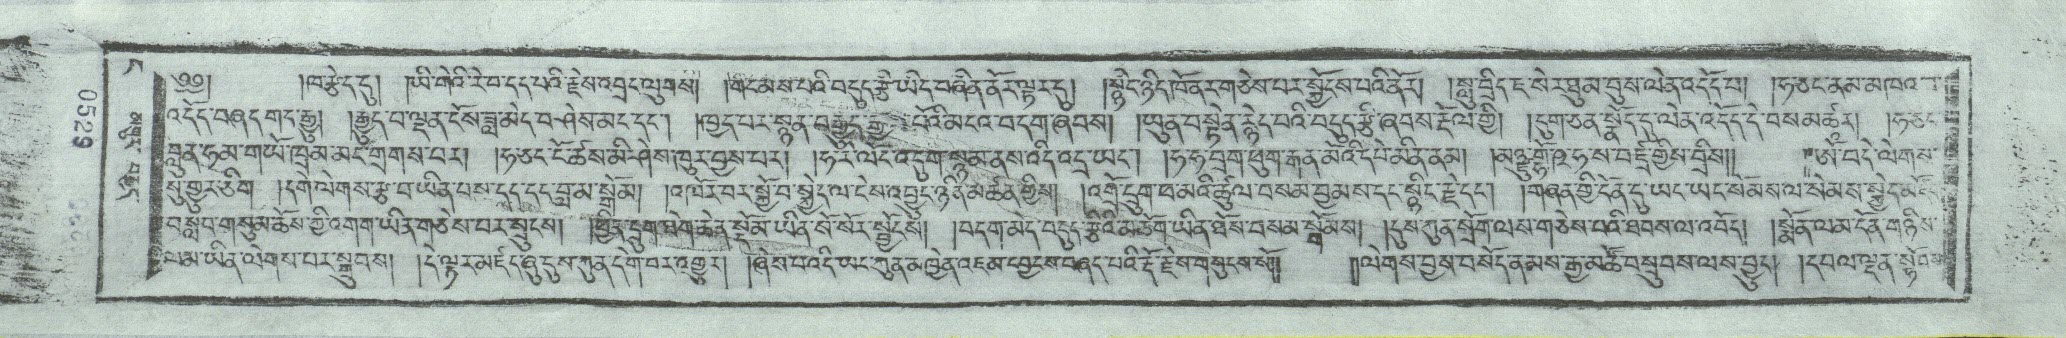༄༅། །ཁ་རྩེད་དུ། །ཡི་གེའི་རེ་བ་དད་པའི་རྗེས་འབྲང་ལུགས། །གདམས་པའི་བདུད་རྩི་ཡིད་བཞིན་ནོར་ལྟར་དུ། །སྙིང་ཉིད་ཁོ་ནར་གཅེས་པར་སྐྱོངས་པའི་ནོར། །སླུ་བྲིད་ཇ་སེར་ཐུམ་བུས་ལེན་འདོད་པ། །ཧ་ཅང་ནམ་མཁའ་བ་
འདོད་བཞད་གང་རྒྱུ། །རྒྱུད་པ་ལྡན་ངོས་ཟླ་མེད་བཤེས་མང་དང་། །ཁྱད་པར་སྙན་བརྒྱུད་རྒྱལ་པོའི་མངའ་བདག་ཞབས། །ཡུན་བསྟེན་རྙེད་པའི་བདུད་རྩི་ཞབས་རྡོལ་གྱི། །དུག་ཅན་སྣོད་དུ་ལེན་འདོད་དེ་བས་མཚར། །ཧ་ཅང་
བླུན་ཧམ་གཡོ་ཁྲམ་མང་གྲགས་པར། །ཧ་ཅང་ངོ་ཚས་མི་ཤེས་ཁུར་བྱས་པར། །ཧ་རེ་ལོང་འདུག་སྙམ་ནས་འདི་འདྲ་ཡང་། །ཧ་ཧ་བྲག་ཕུག་རྒན་མོའི་དཔེ་མིན་ནམ། ། མཉྫུ་གྷོ་ཥ་ཧ་ས་བཛྲ་གྱིས་བྲིས།། །།ཨོཾ་བདེ་ལེགས་
སུ་གྱུར་ཅིག །དགེ་ལེགས་རྩ་བ་ཡིན་པས་དད་དང་བླ་མ་སྒོམ། །འཁོར་བར་སྐྱོ་བ་སྐྱེད་ལ་ངེས་འབྱུང་ཉིན་མཚན་གྱིས། །འགྲོ་དྲུག་ཕ་མའི་ཚུལ་བསམ་བྱམས་དང་སྙིང་རྗེ་དང་། །གཞན་གྱི་དོན་དུ་ཡང་ཡང་སོམས་ལ་སེམས་སྐྱེད་མཛོད།
བསླབ་གསུམ་ཆོས་ཀྱི་འགག་ཡིན་གཅེས་བར་སྲུངས། །ཕྱིན་དྲུག་ཐེག་དྲུག་ཐེག་ཆེན་སྡོམ་ཡིན་སོ་སོར་སྦྱོངས། །བདག་མེད་བདུད་རྩིའི་མཆོག་ཡིན་ཐོས་བསམ་སྒོམས། །དུས་ཀུན་སྲོག་ལས་གཅེས་པའི་ཐབས་ལ་འབོད། །སྨོན་ལམ་དོན་གཉིས་
ལམ་ཡིན་ལེགས་པར་སྒྲུབས། །དེ་ལྟར་མཛད་ཞུ་དུས་ཀུན་དགེ་བར་འགྱུར། །ཞེས་པ་འདི་ཡང་ཀུན་མཁྱེན་འཇམ་དབྱངས་བཞད་པའི་རྡོ་རྗེས་གསུངས་སོ།། །།ལེགས་བྱས་བསོད་ནམས་རྒྱ་མཚོ་བསྲུབས་ལས་བྱུང་། །དཔལ་ལྡན་སྟོབས་